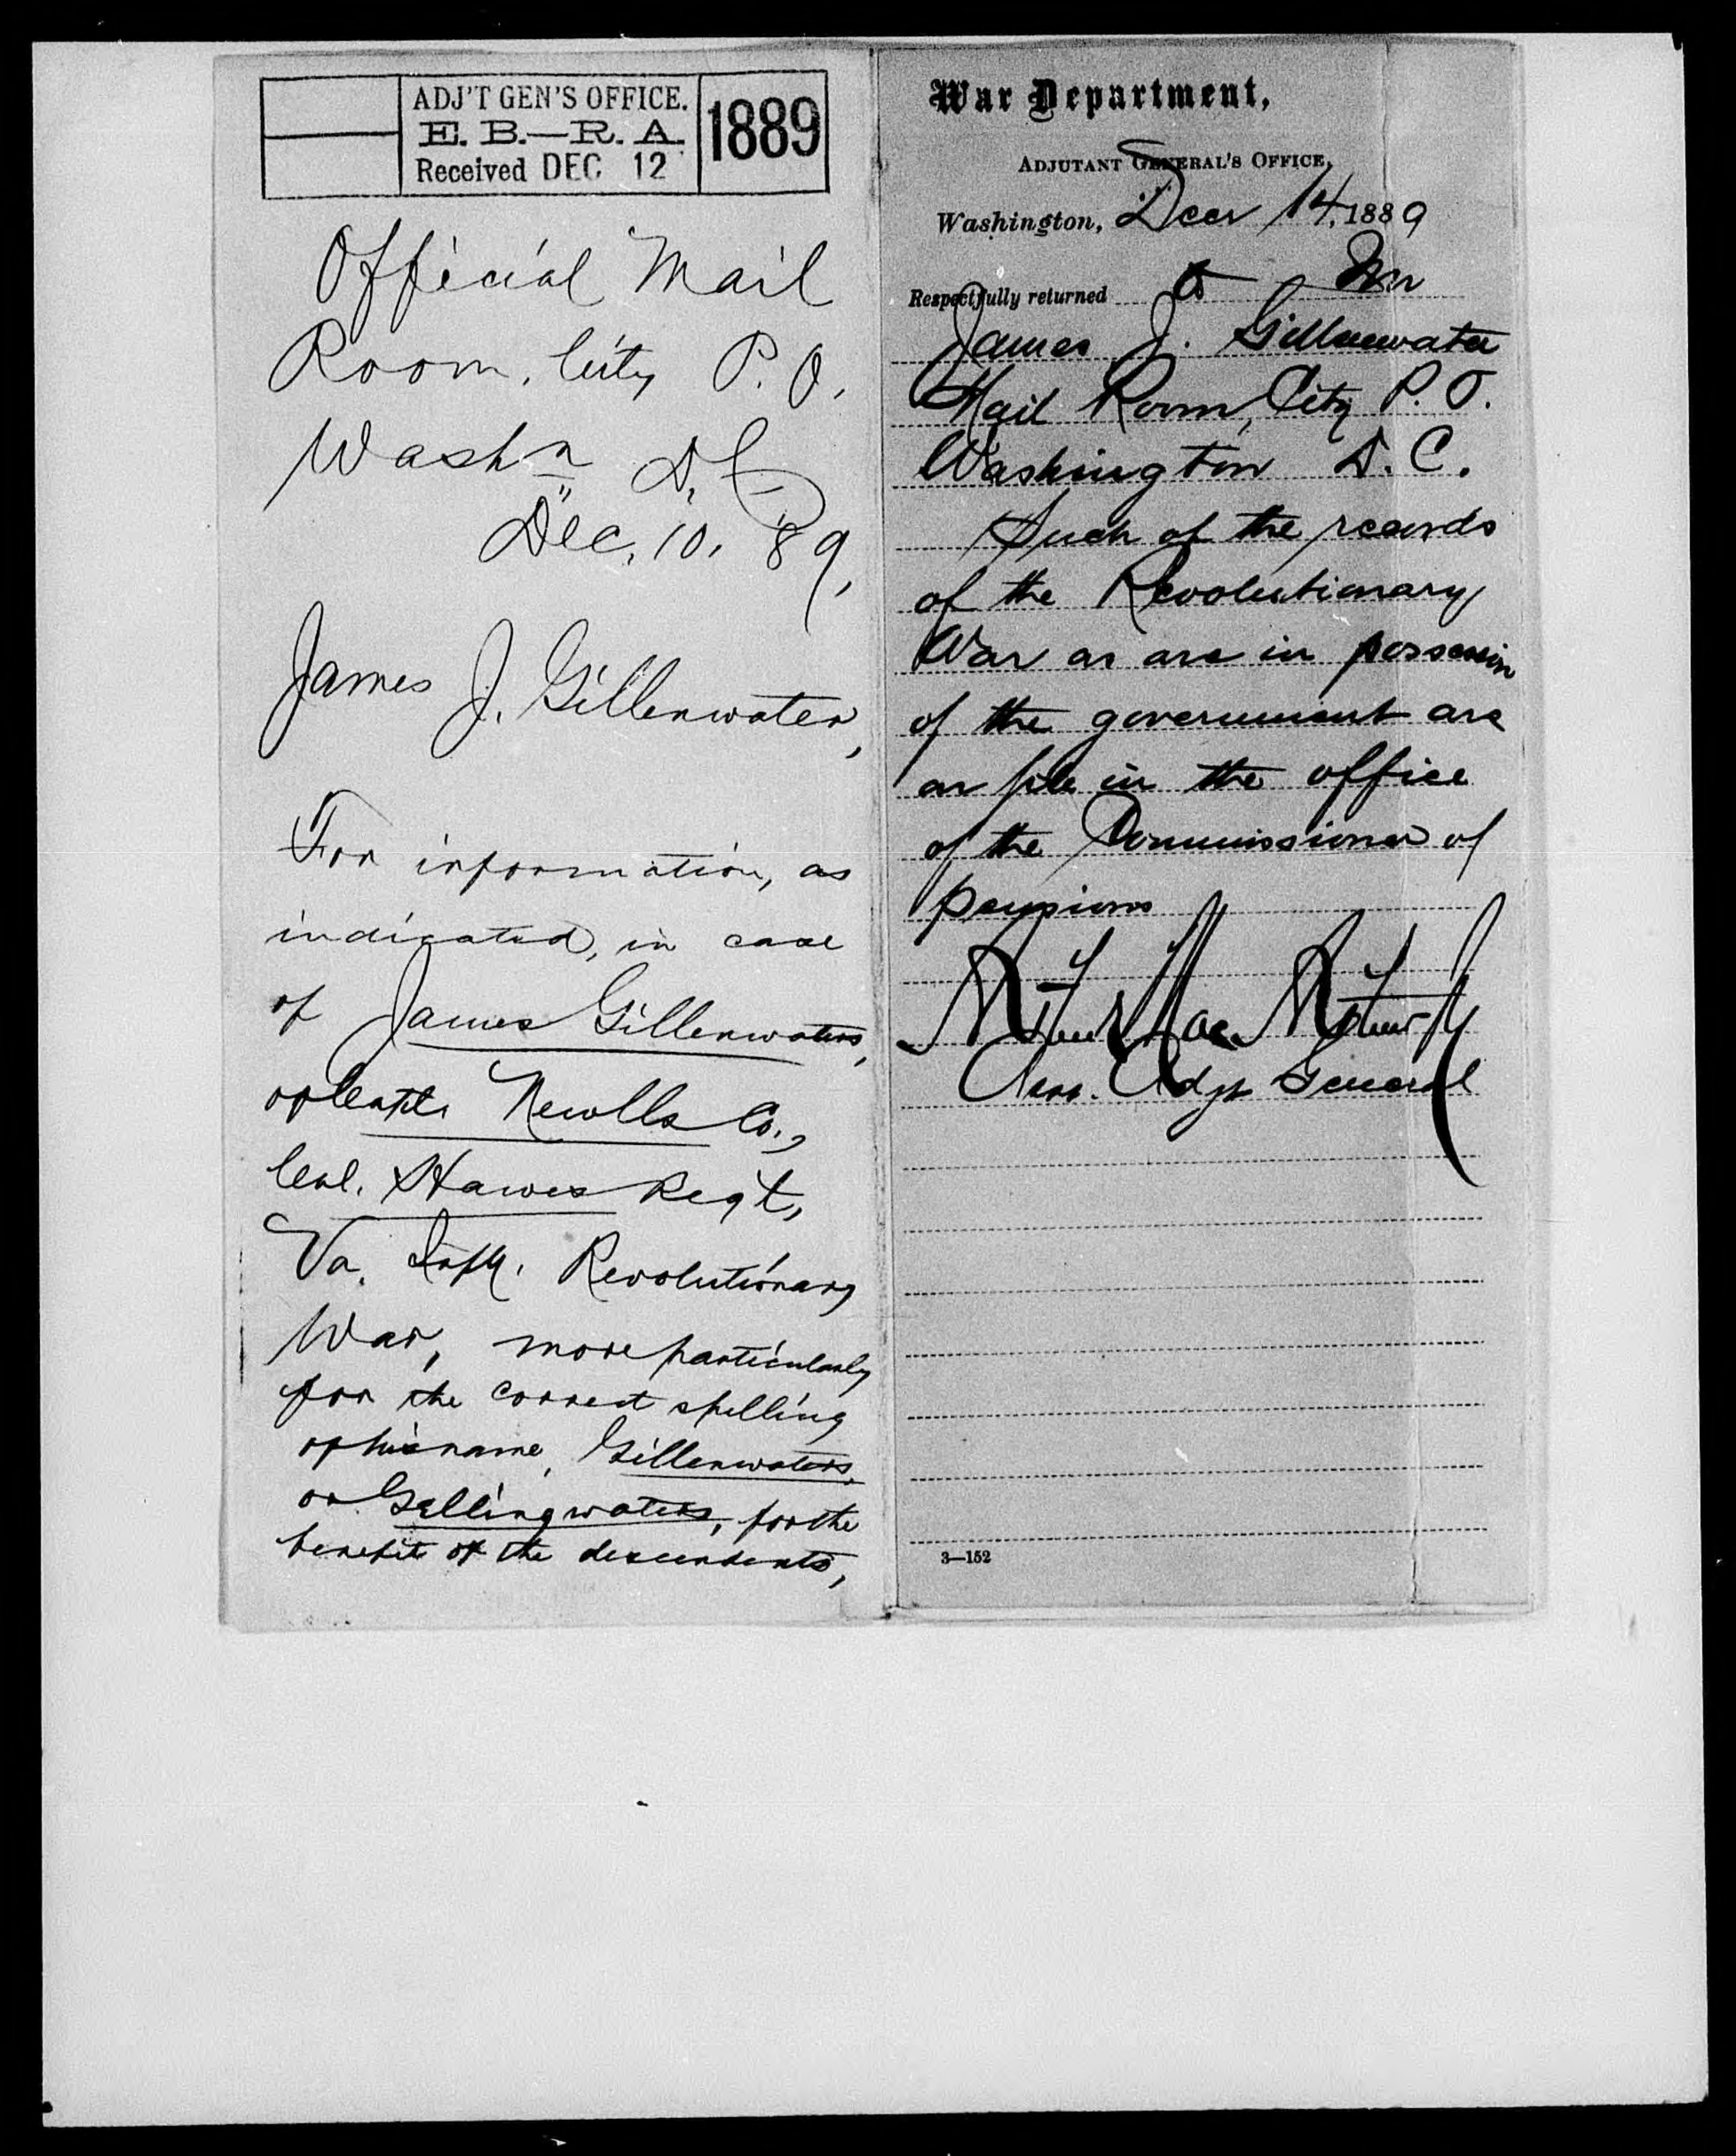[left hand side]
[stamp] ADJ"T GEN'S OFFICE
H. B.- R.A.
received DEC 12
1889

Official Mail Room, City P.O.
Washn D.C.
Dec. 10. 89
James J. Gillenwater
For information, as indicated, in case 
of James Gillenwaters
Col. Hawes Regt,
Va. [illegible] Revolutionary
War, more particularly
for the correct spelling to his name, Gillenwaters or Gillingwaters, for the
benefit of the descendants,

[right hand side]
Wat Department
Adjutant General's Office Washington, Decr 14, 18889
Respectfully returned to Mr.
James J. Gillenwater

mail Room, City P.O.
Washington D.C.
Such of the records 
of the Revolutionary
War as are in possession 
of the government are
in file in the office
of the Commissioner of
pensions
[illegible] signature?
Pens. Adjs General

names: Gillingwater, James Gillingwater, James J Gillingwater, A F Mac Arthur, Gillingwater, James J Gillingwater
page: 27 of 36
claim: survivor's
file: S. 39570, James Gillingwater, Va.